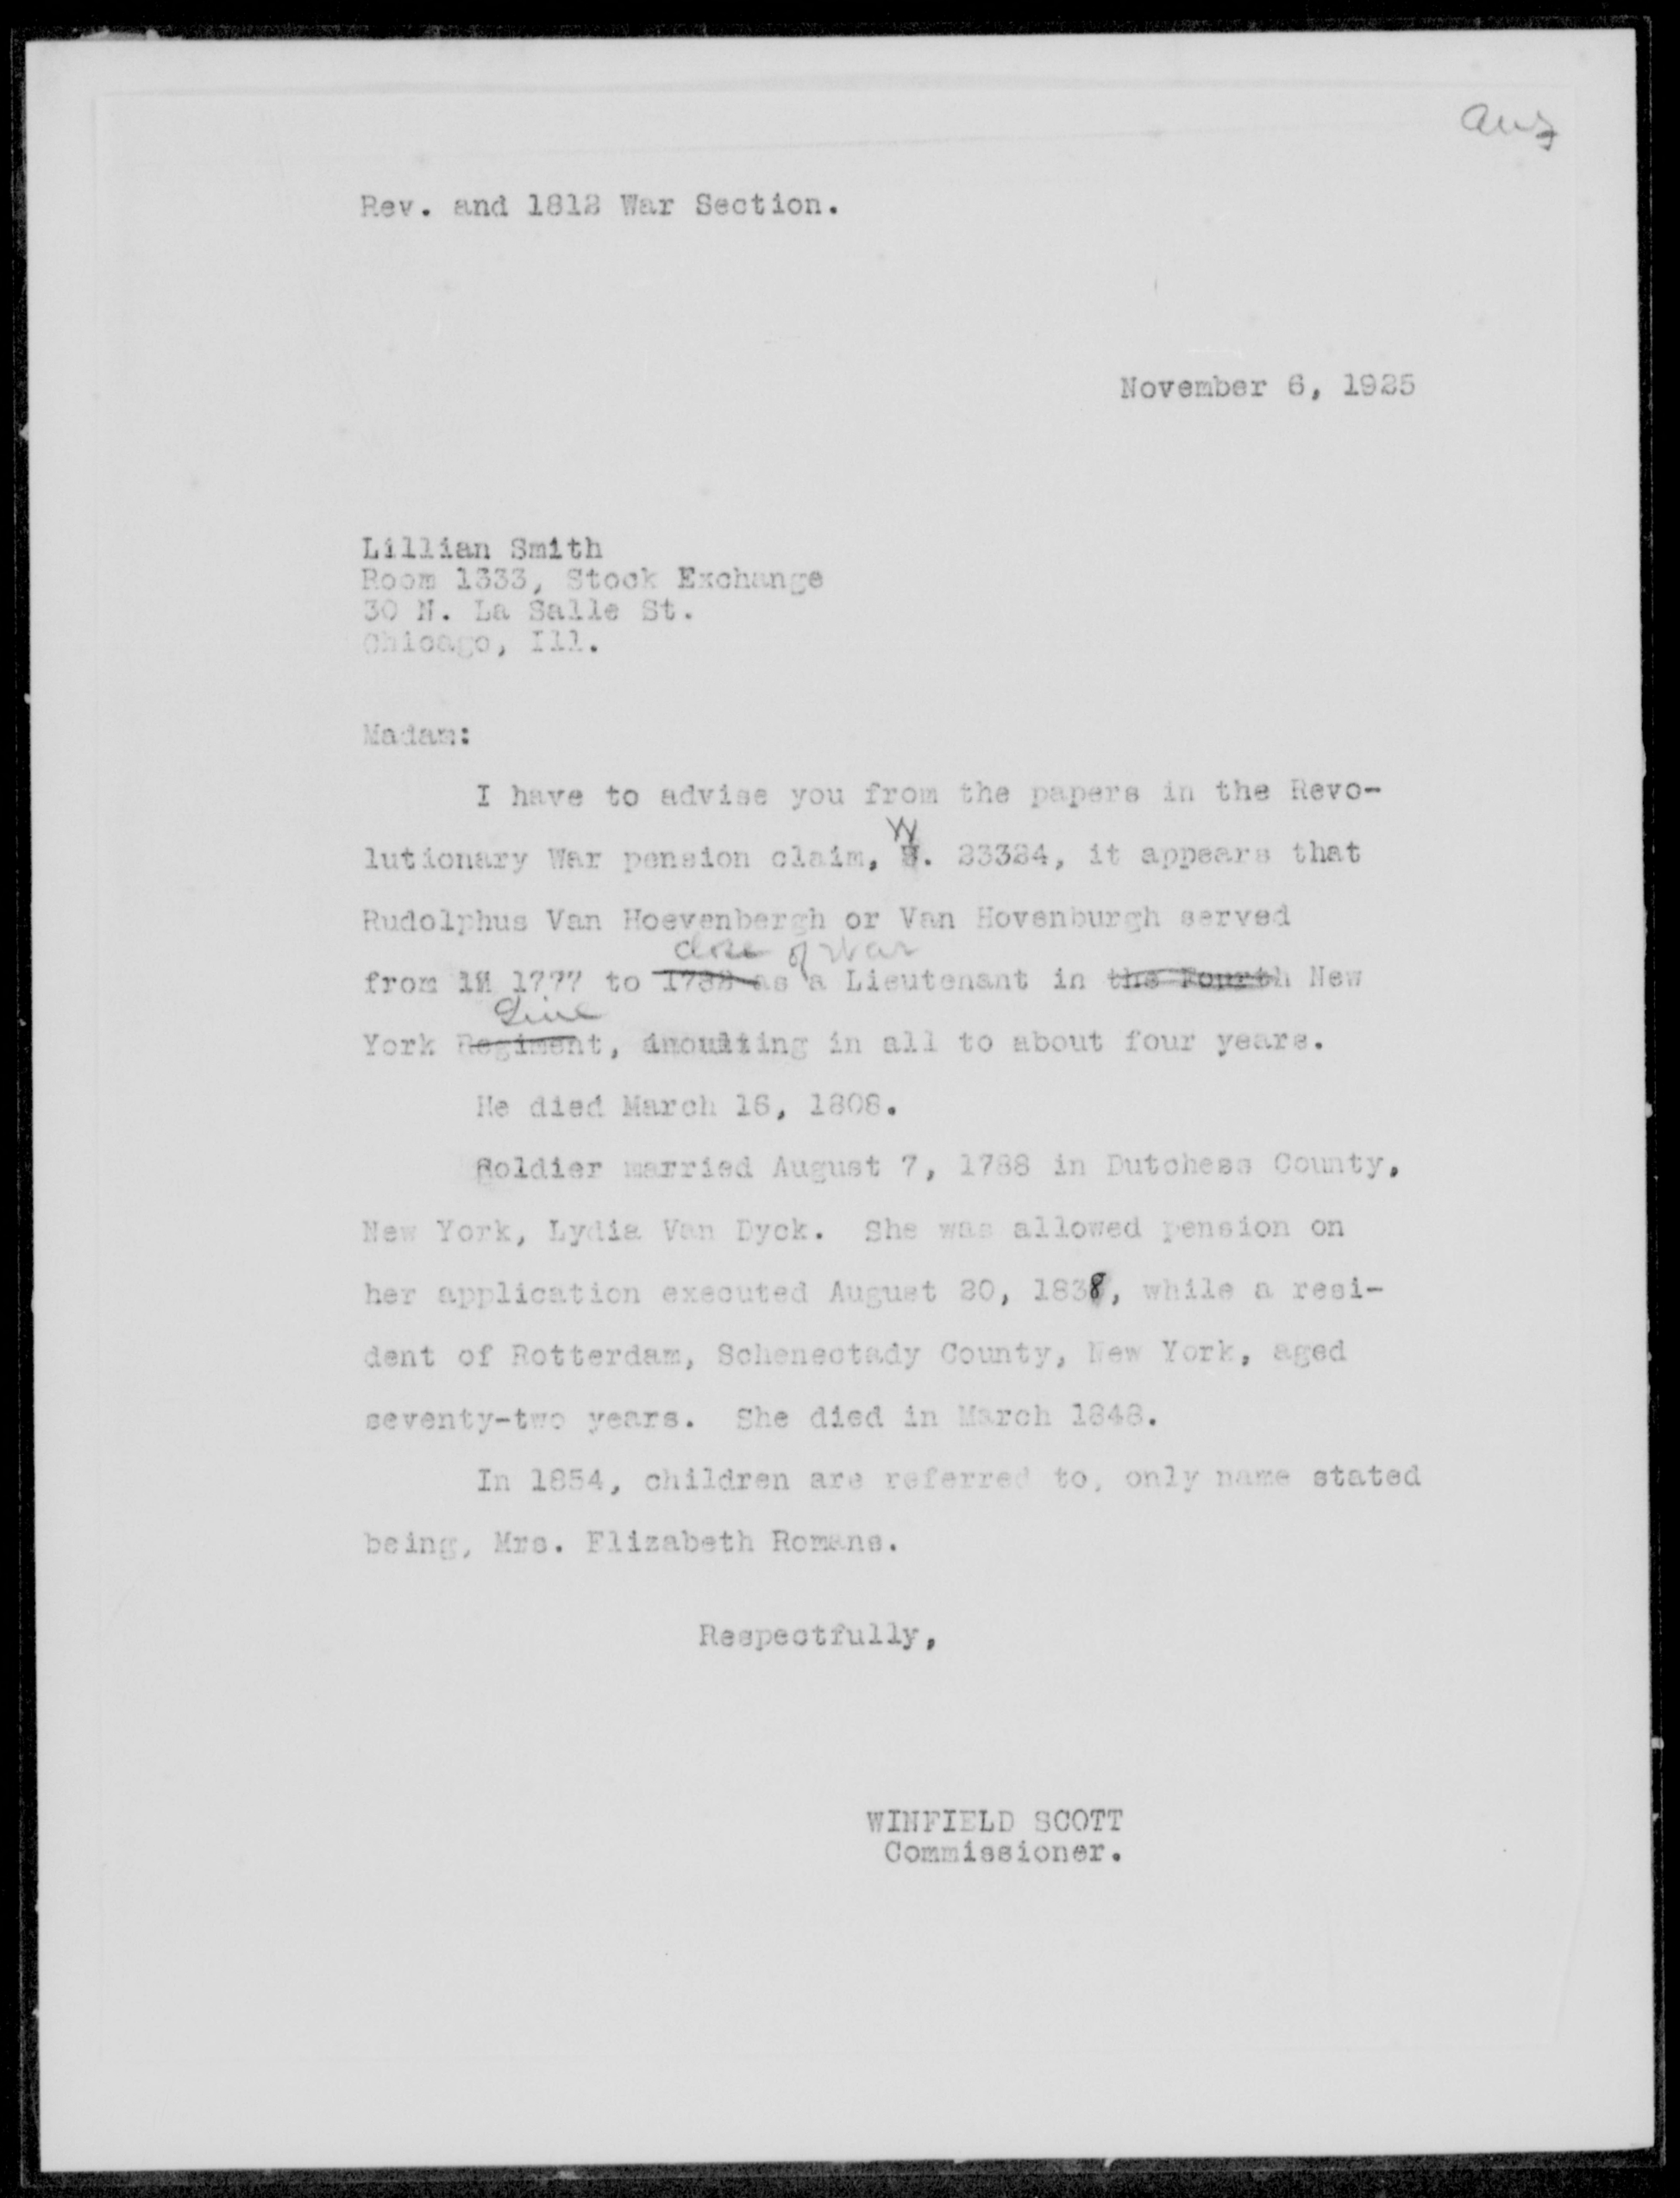["AUY" scribbled in upper right corner]
Rev. and 1812 War Section.
November 6, 1925
Lillian Smith
Room 1333, Stock Exchange
30 N. La Salle St.
Chicago, Ill.
Madam:
I have to advise you from the papers in the Revolutionary War pension claim, W. 23324, it appears that Rudolphus Van Hovenbergh or Van Hovenburgh served from [illegible 2 digit number] 1777 to close of War as a Lieutenant in [lined out "the Fourth"] New York Line [lined out "Regiment"], amounting in all to about four years.
He died March 16, 1808.
Soldier married August 7, 1788 in Dutchess County, New York, Lydia Van Dyck. She was allowed pension on her application executed August 20, 1838, while a resident of Rotterdam, Schenectady County, New York, aged seventy-two years. She died in March 1848.
In 1884, children are referred to, only name stated being Mrs. Elizabeth Romans.
Respectfully,
WINFIELD SCOTT
Commissioner.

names: Winfield Scott, Rudolphus Van Hoevenbergh, Elizabeth Romans, Lydia Van Dyck, Rudolphus Van Hovenburgh, Lillian Smith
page: 21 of 38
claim: widow's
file: W. 23324, Rudolphus Van Hoevenbergh, New York